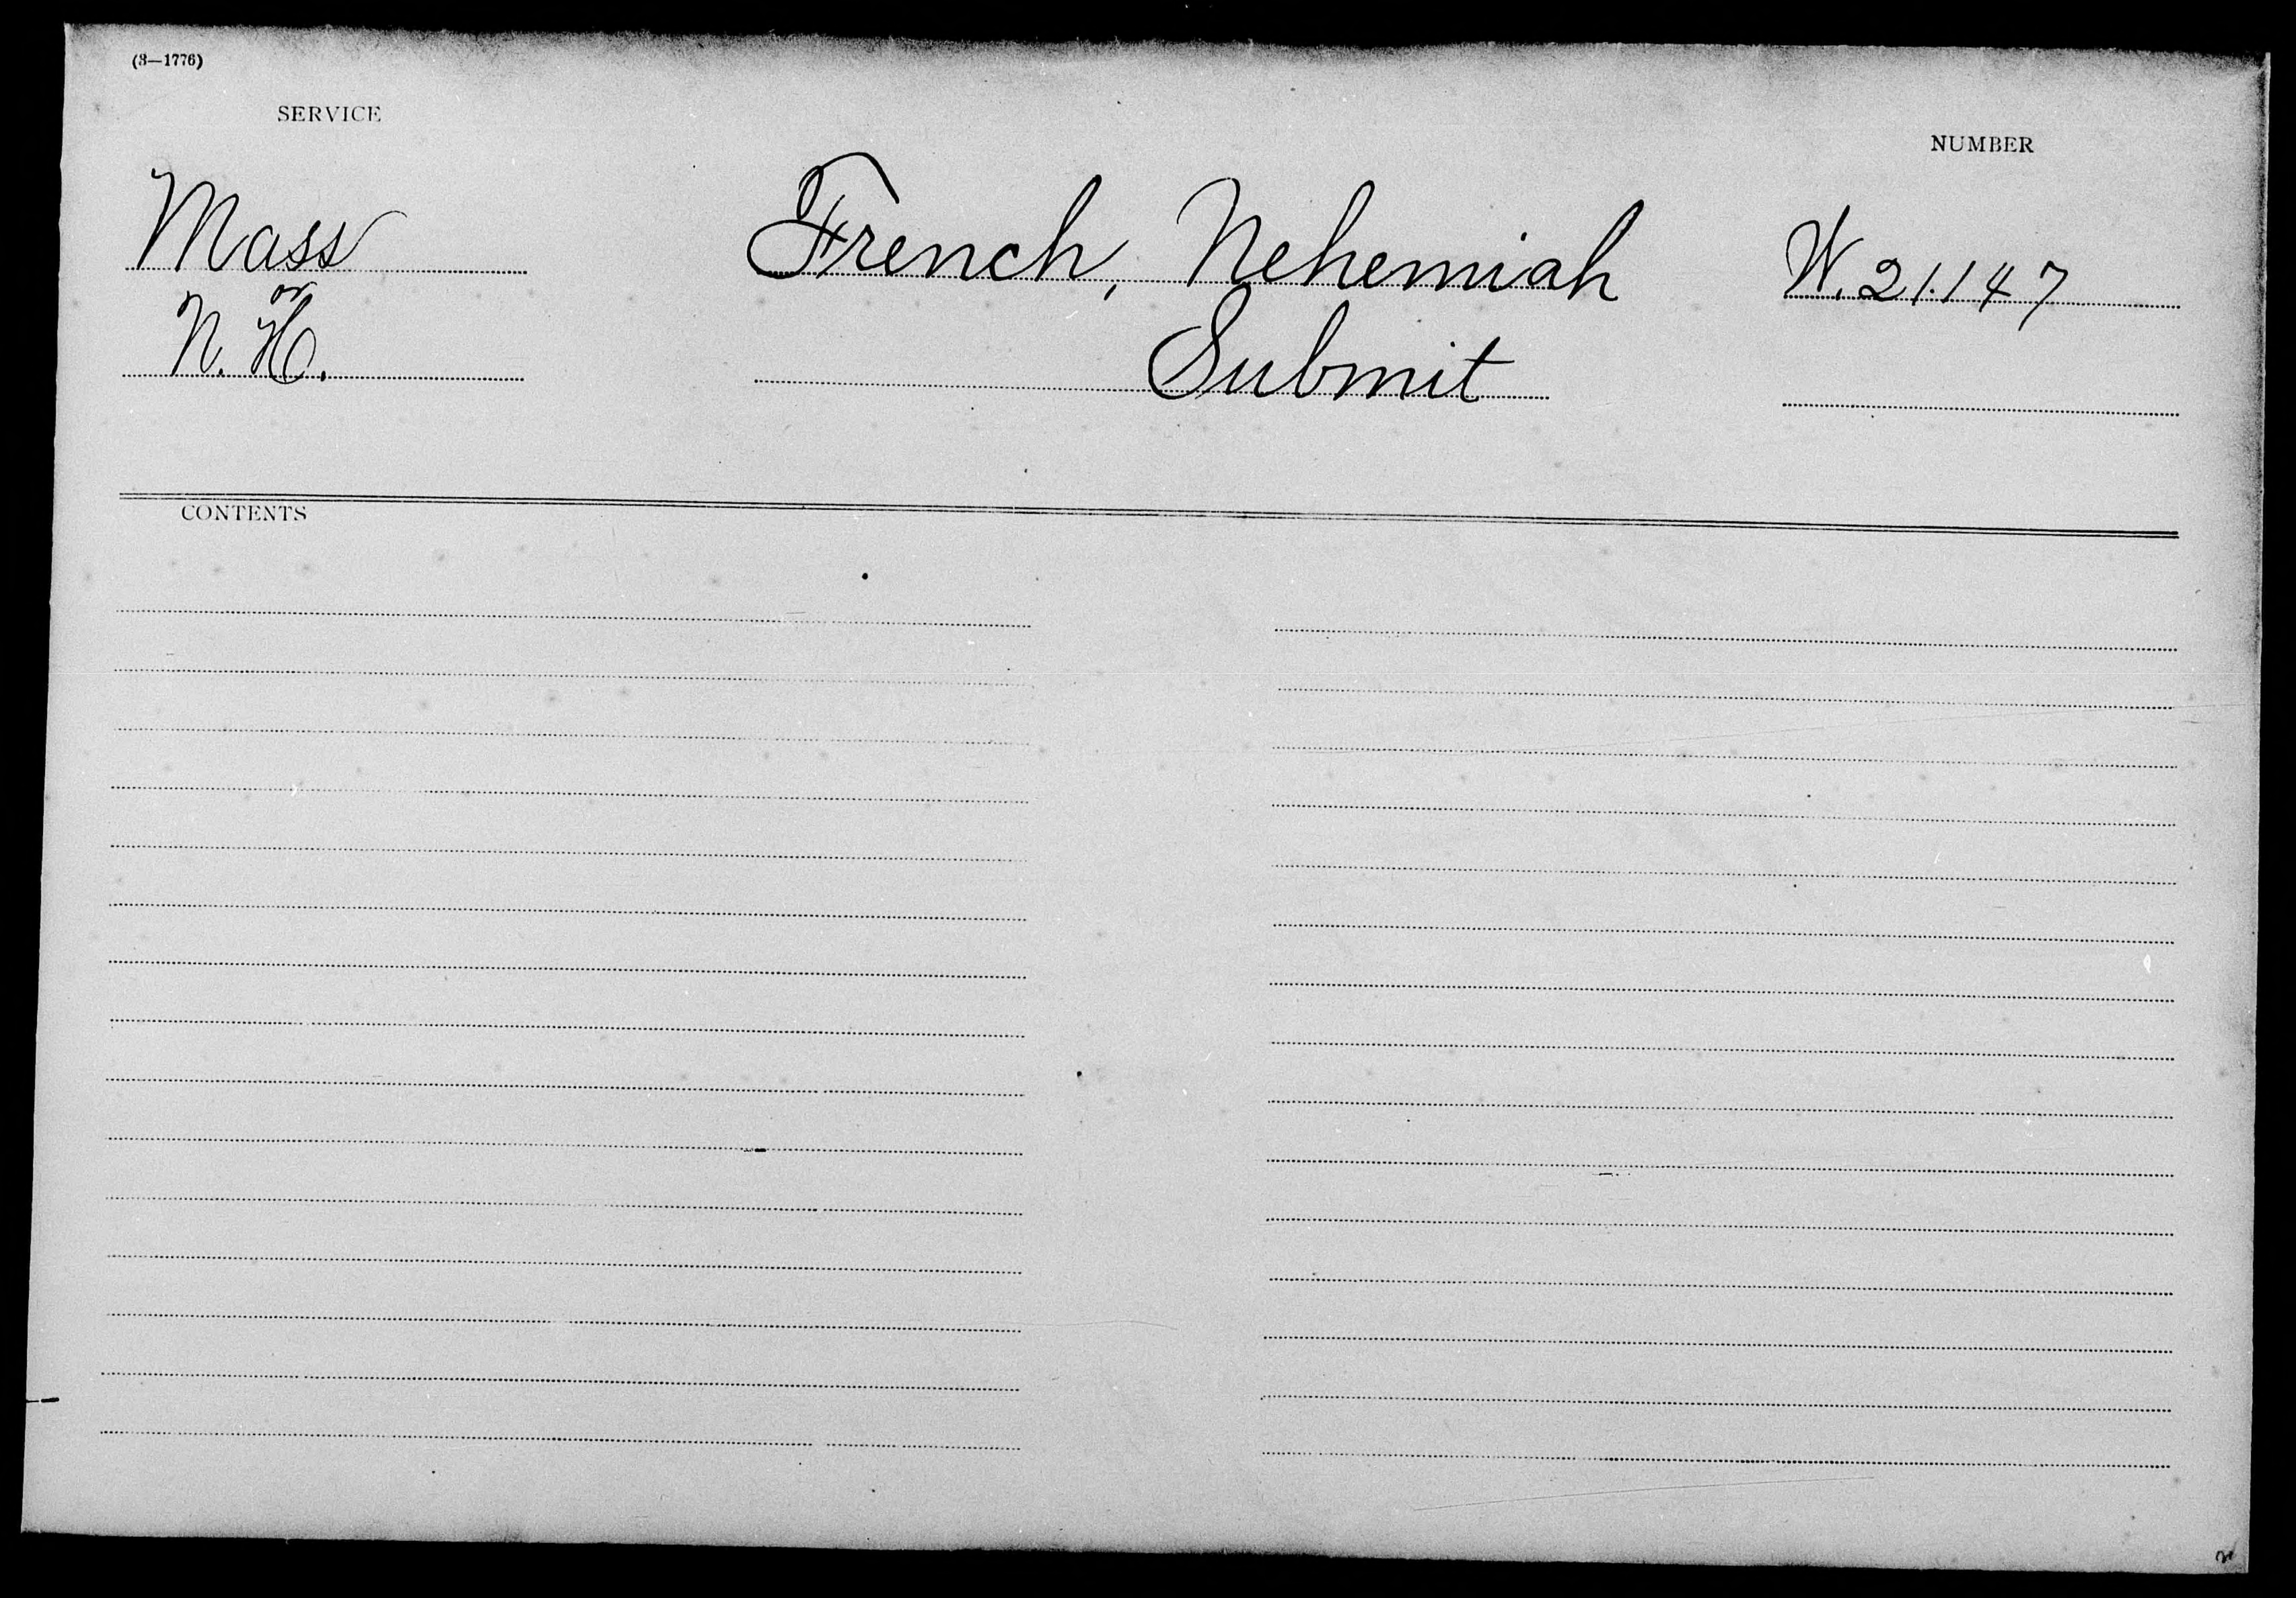(3-1776)

SERVICE
Mass
or
N.H.

French, Nehemiah
................Submit

NUMBER
W. 21.147

CONTENTS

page: 1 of 18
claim: widow's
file: W. 21,147, Nehemiah French, Mass. Or N.H.